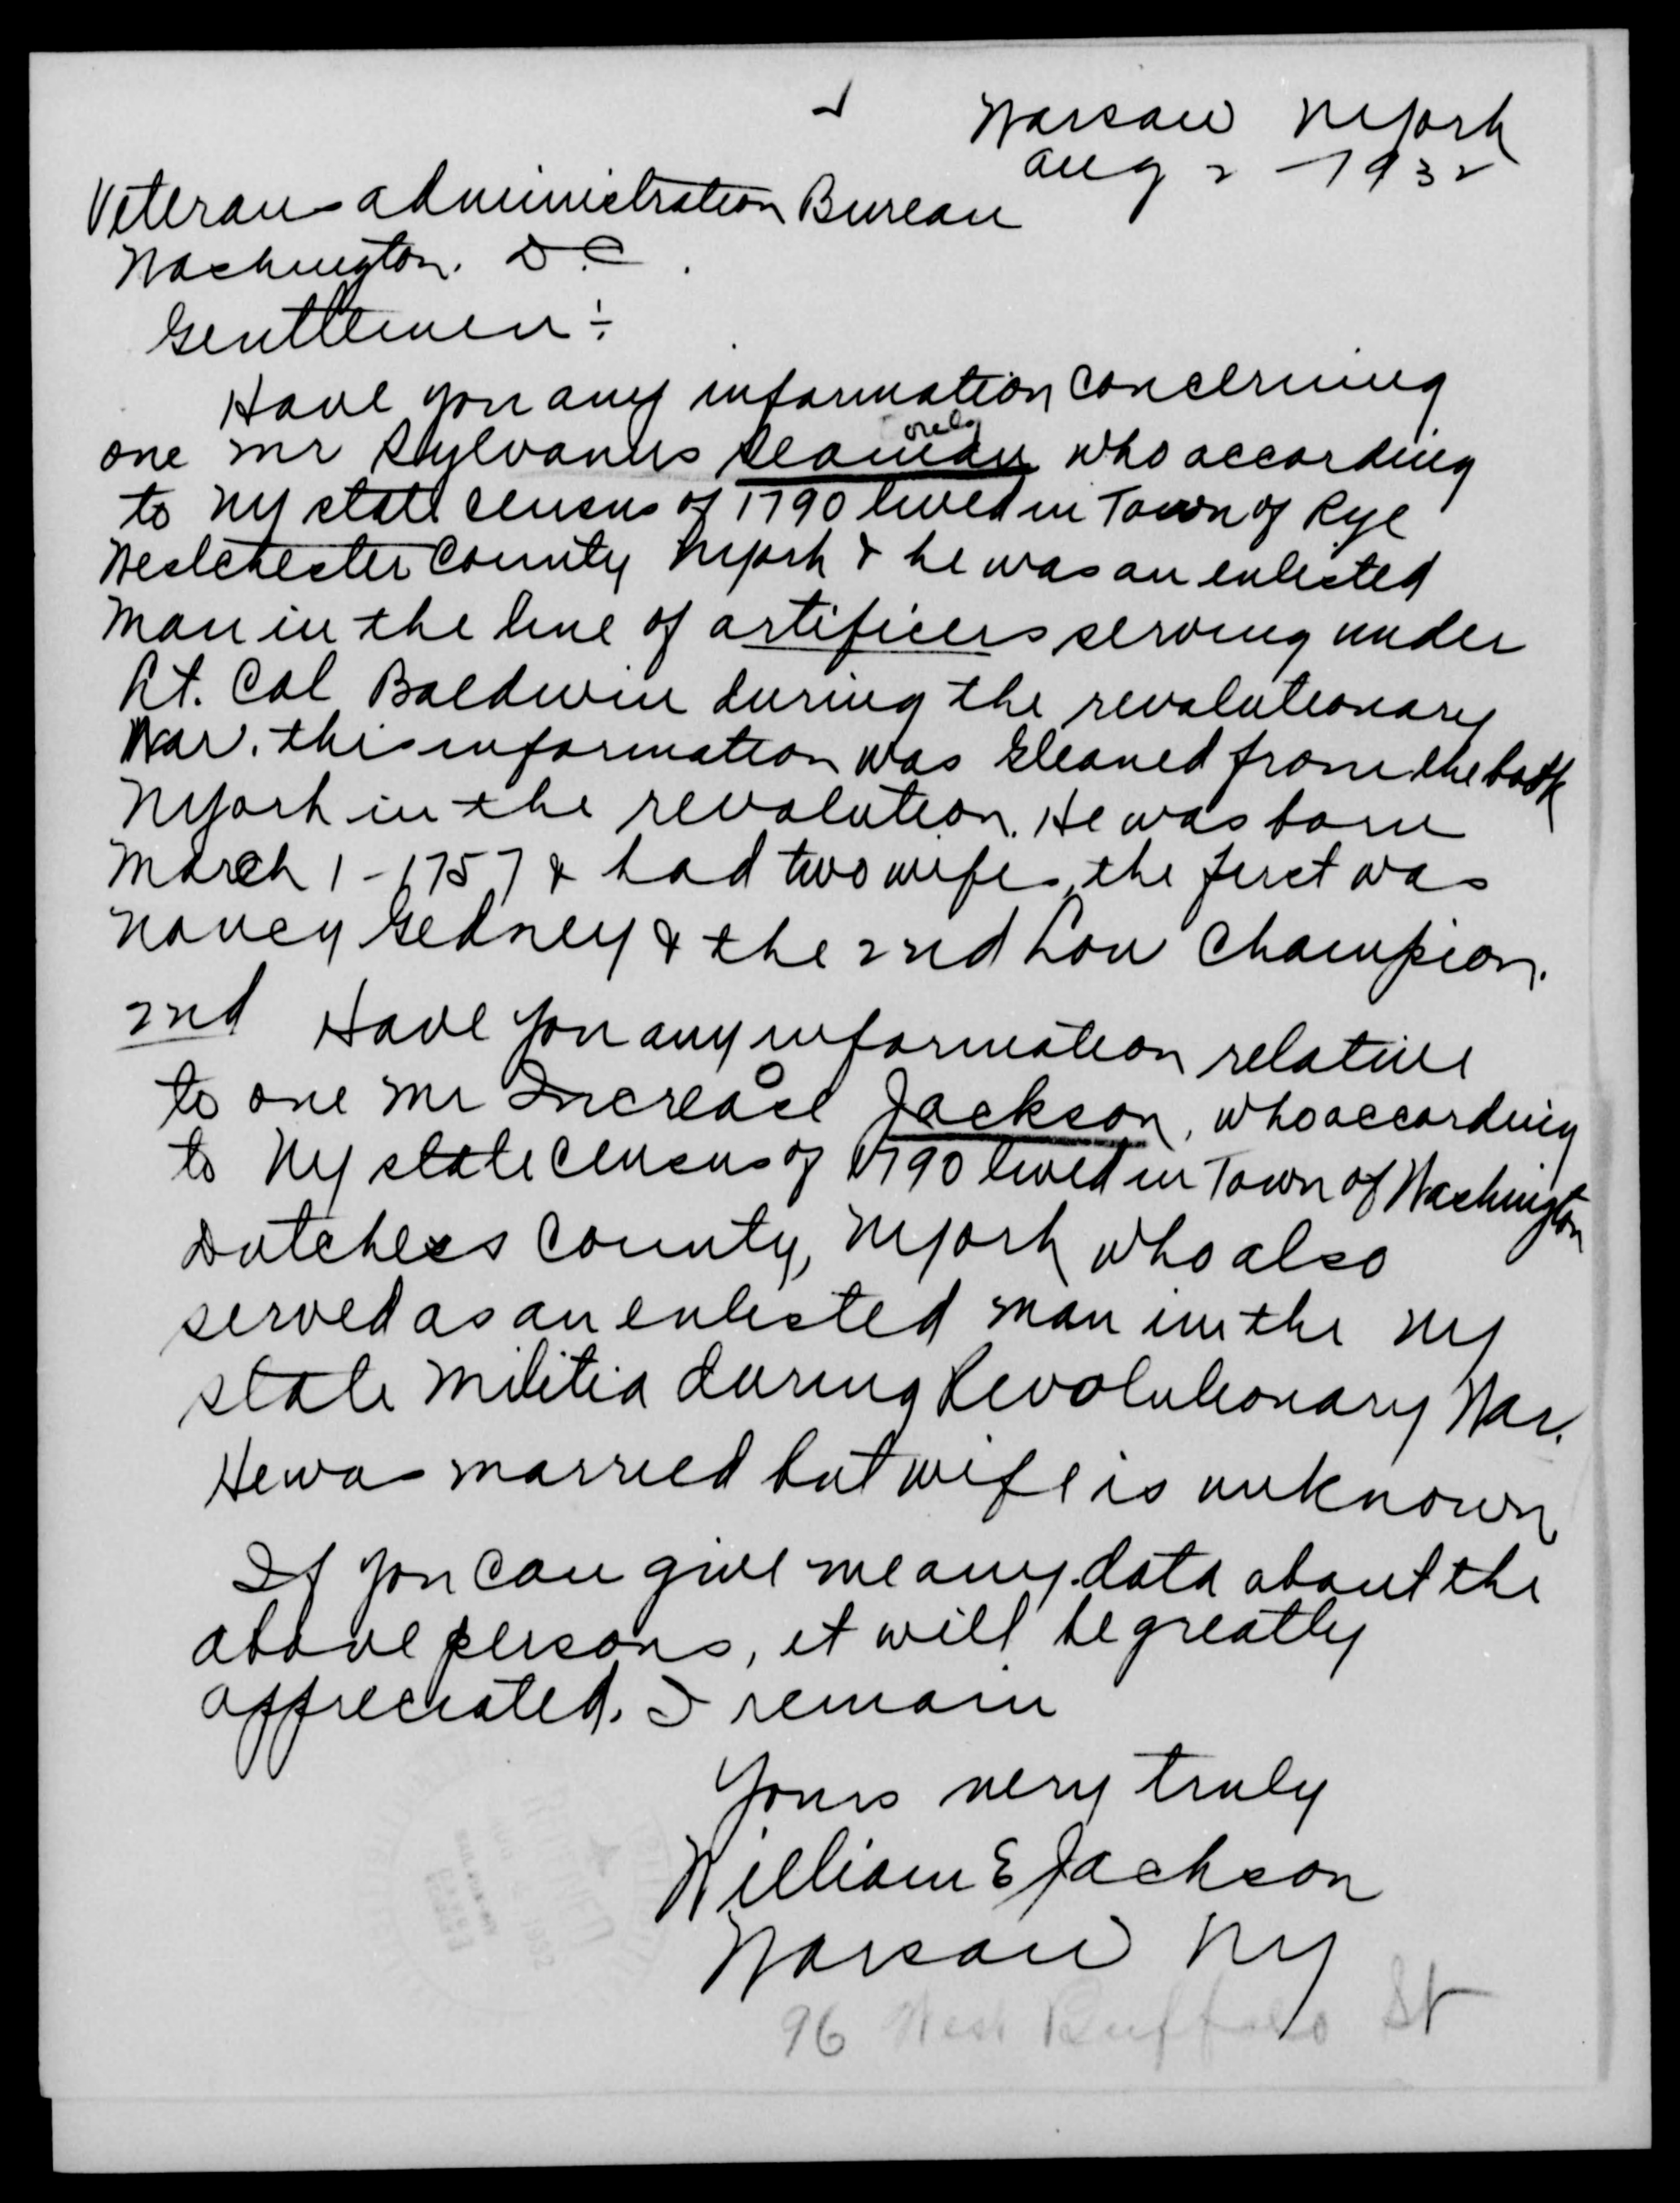Warsaw  NYork
Aug 2 1932

Veterans administration Bureau
Washington, D.C.
Gentlemen:
Have you any information concerning
one Mr Sylvanus Seaman who according 
to my state census of 1790 lived in Town of Rye
Westchester County NYork & he was an enlisted
man in the line of artificers serving under
Lt. Col. Baldwin during the revolutionary 
War, this information was gleaned from the book
NYork in the revolution. He was born
March 1-1757 & had two wife, the first was
Nancy Gedney & the 2nd Lou Champion.
2nd Have you any information relative
to one Mr Increase Jackson, who according 
to NY state census of 1790 lived in Town of Washington
Dutchess County, NYork who also
served as an enlisted man in the NY
state militia during Revolutionary War.
He was married but wife is unknown.
If you can give me any data about the
above persons, it will be greatly
appreciated. I remain
Yours very truly
William E Jackson
Warsaw NY
96 West Buffalo St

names: William E Jackson; Increase Jackson; Sylvanus Seaman; [BLANK] Baldwin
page: 29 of 31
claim: survivor's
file: S. 14484, for Sylvanus Simmons, New York